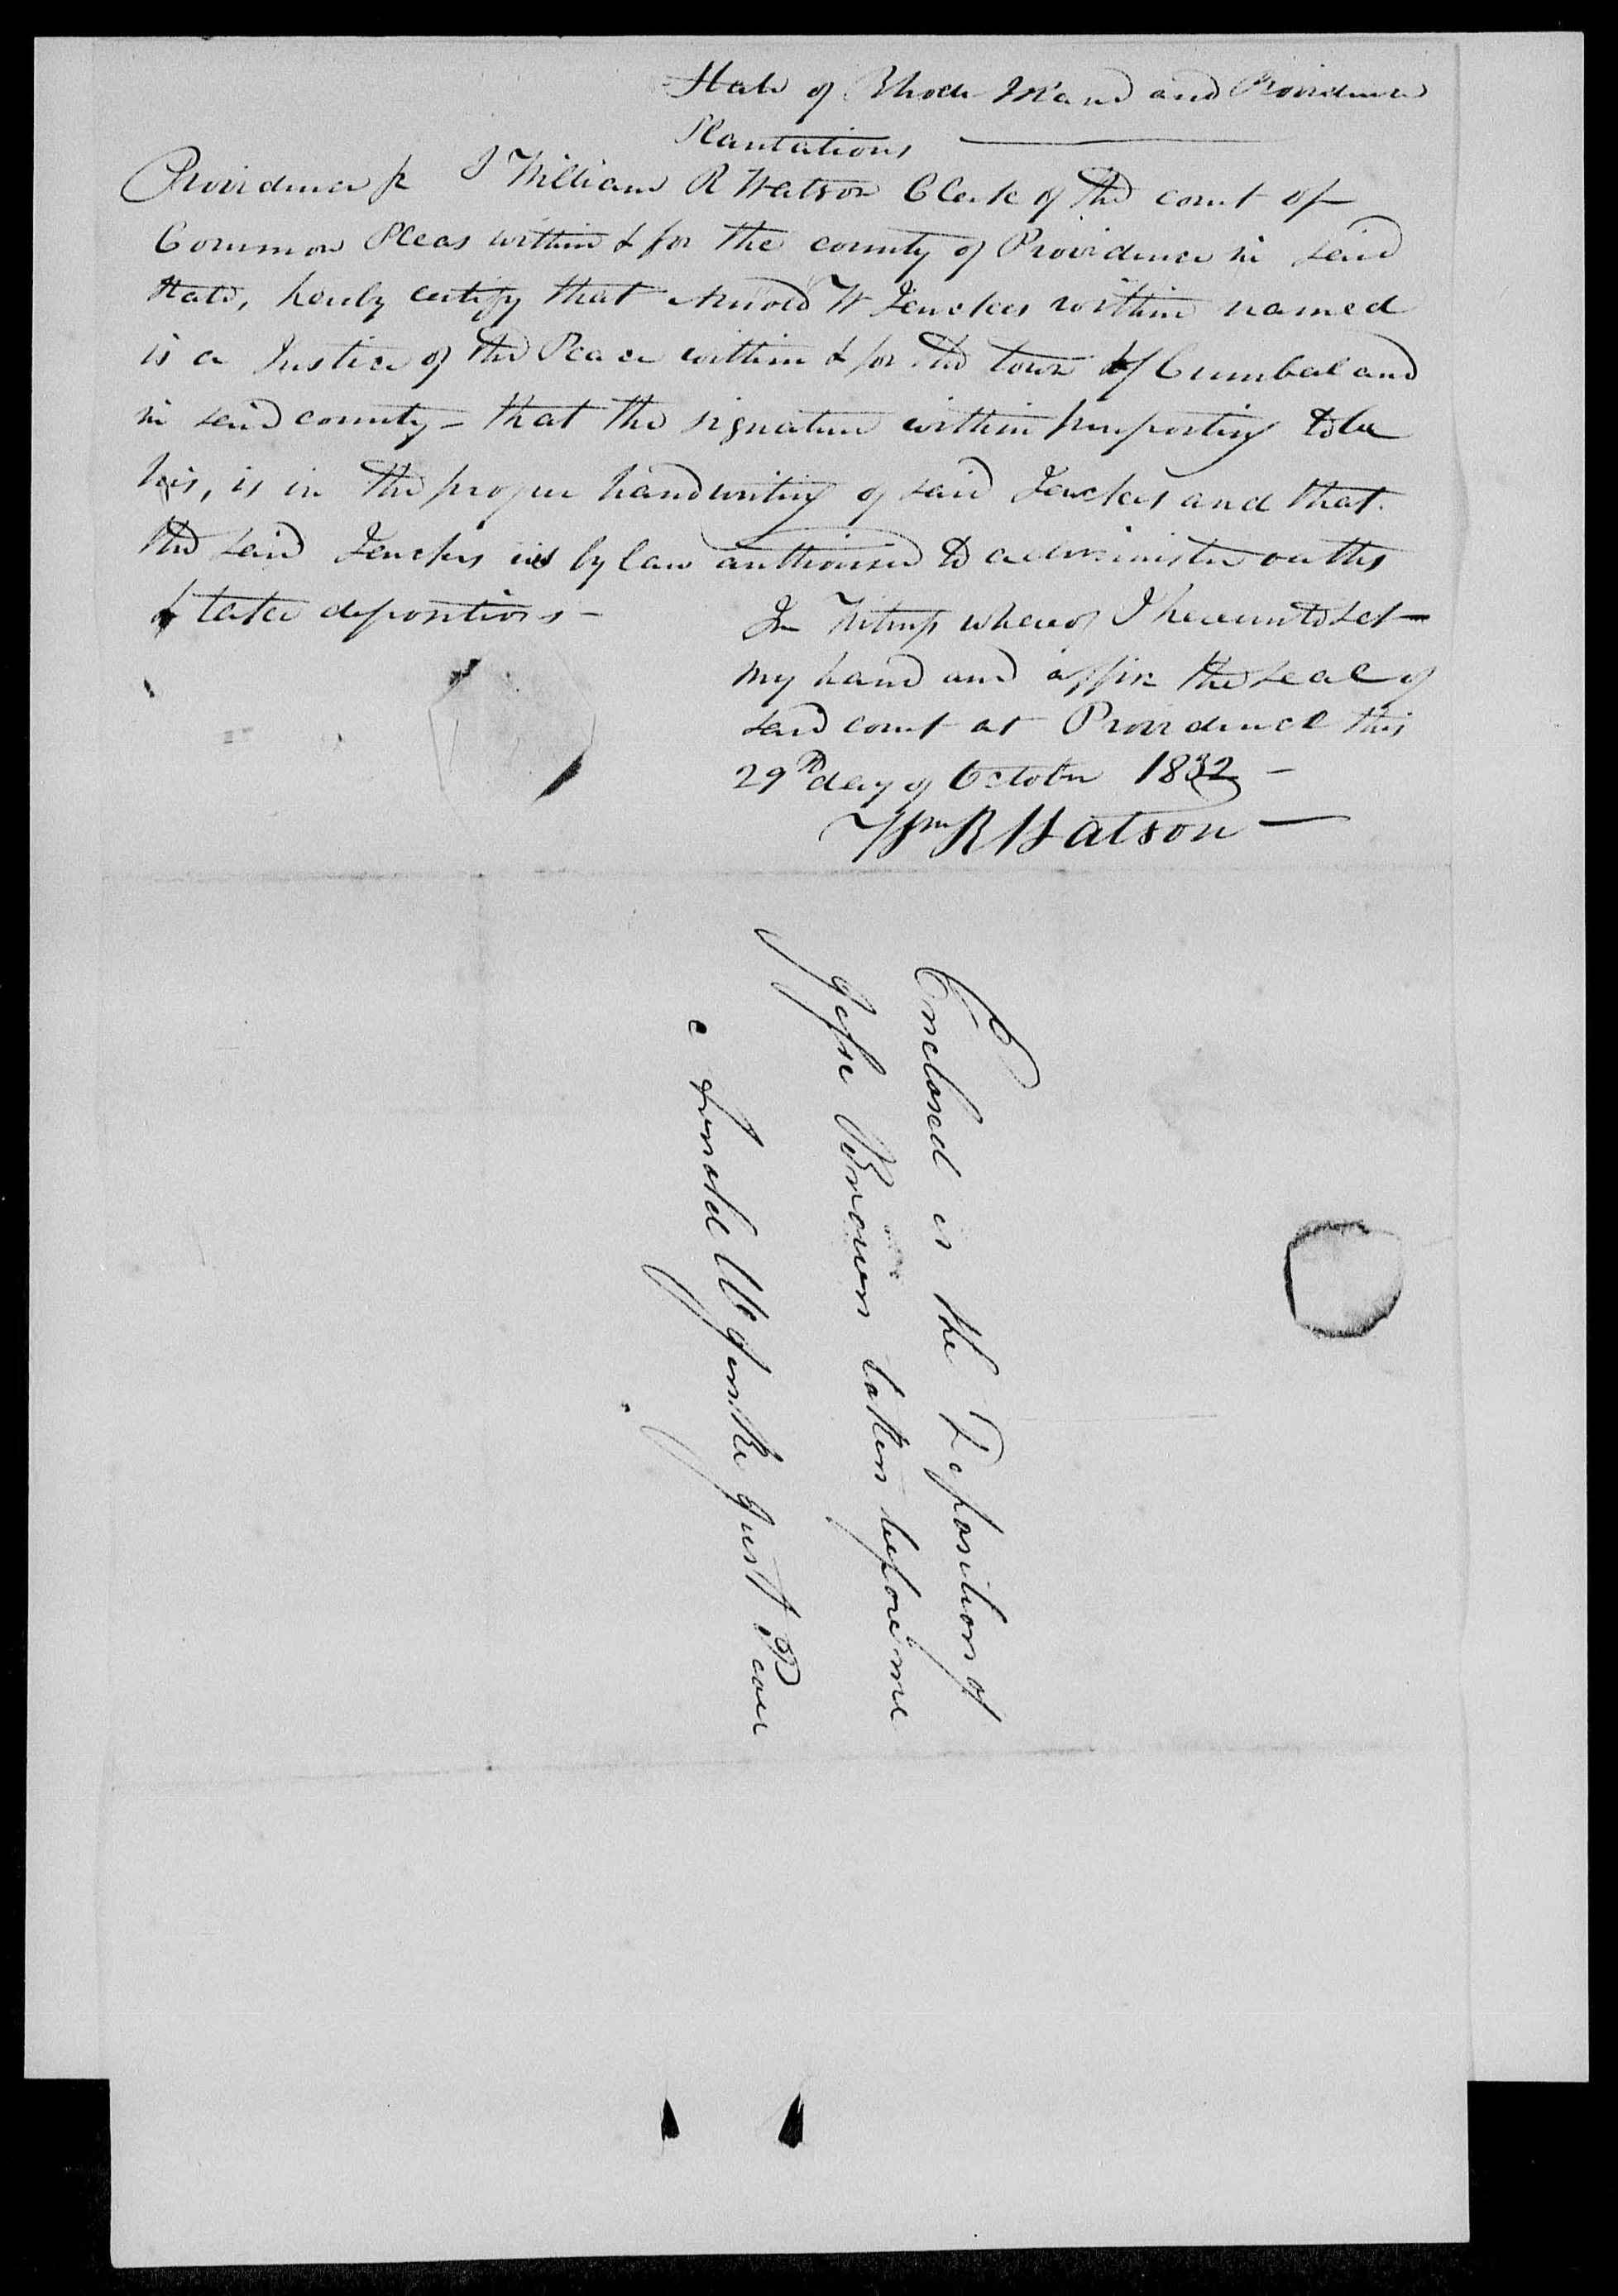State of Rhode Island and Providence Plantations. Providence Sc. I William R. Watson Clerk of the court of Common Pleas within & for the county of Providence in said State, hereby certify that Arnold W. Jenckes within named is a Justice of the Peace within & for the town of Cumberland in said county. That the signature within purporting to be his, is in the proper handwriting of said Jencks and that the said Jencks is by law authorized to administer oaths & take depositions. In witness whereof I hereunto set my hand and affix the seal of said court at Providence this 29th day of October 1832. Wm R Watson.
Enclosed is the Deposition of Jesse Brown taken before me Arnold W. Jenks Just. Peace .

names: Wm R Watson, William R Watson, Jesse Brown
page: 31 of 35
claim: survivor's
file: S. 18374, Nathan Dexter, R.I.